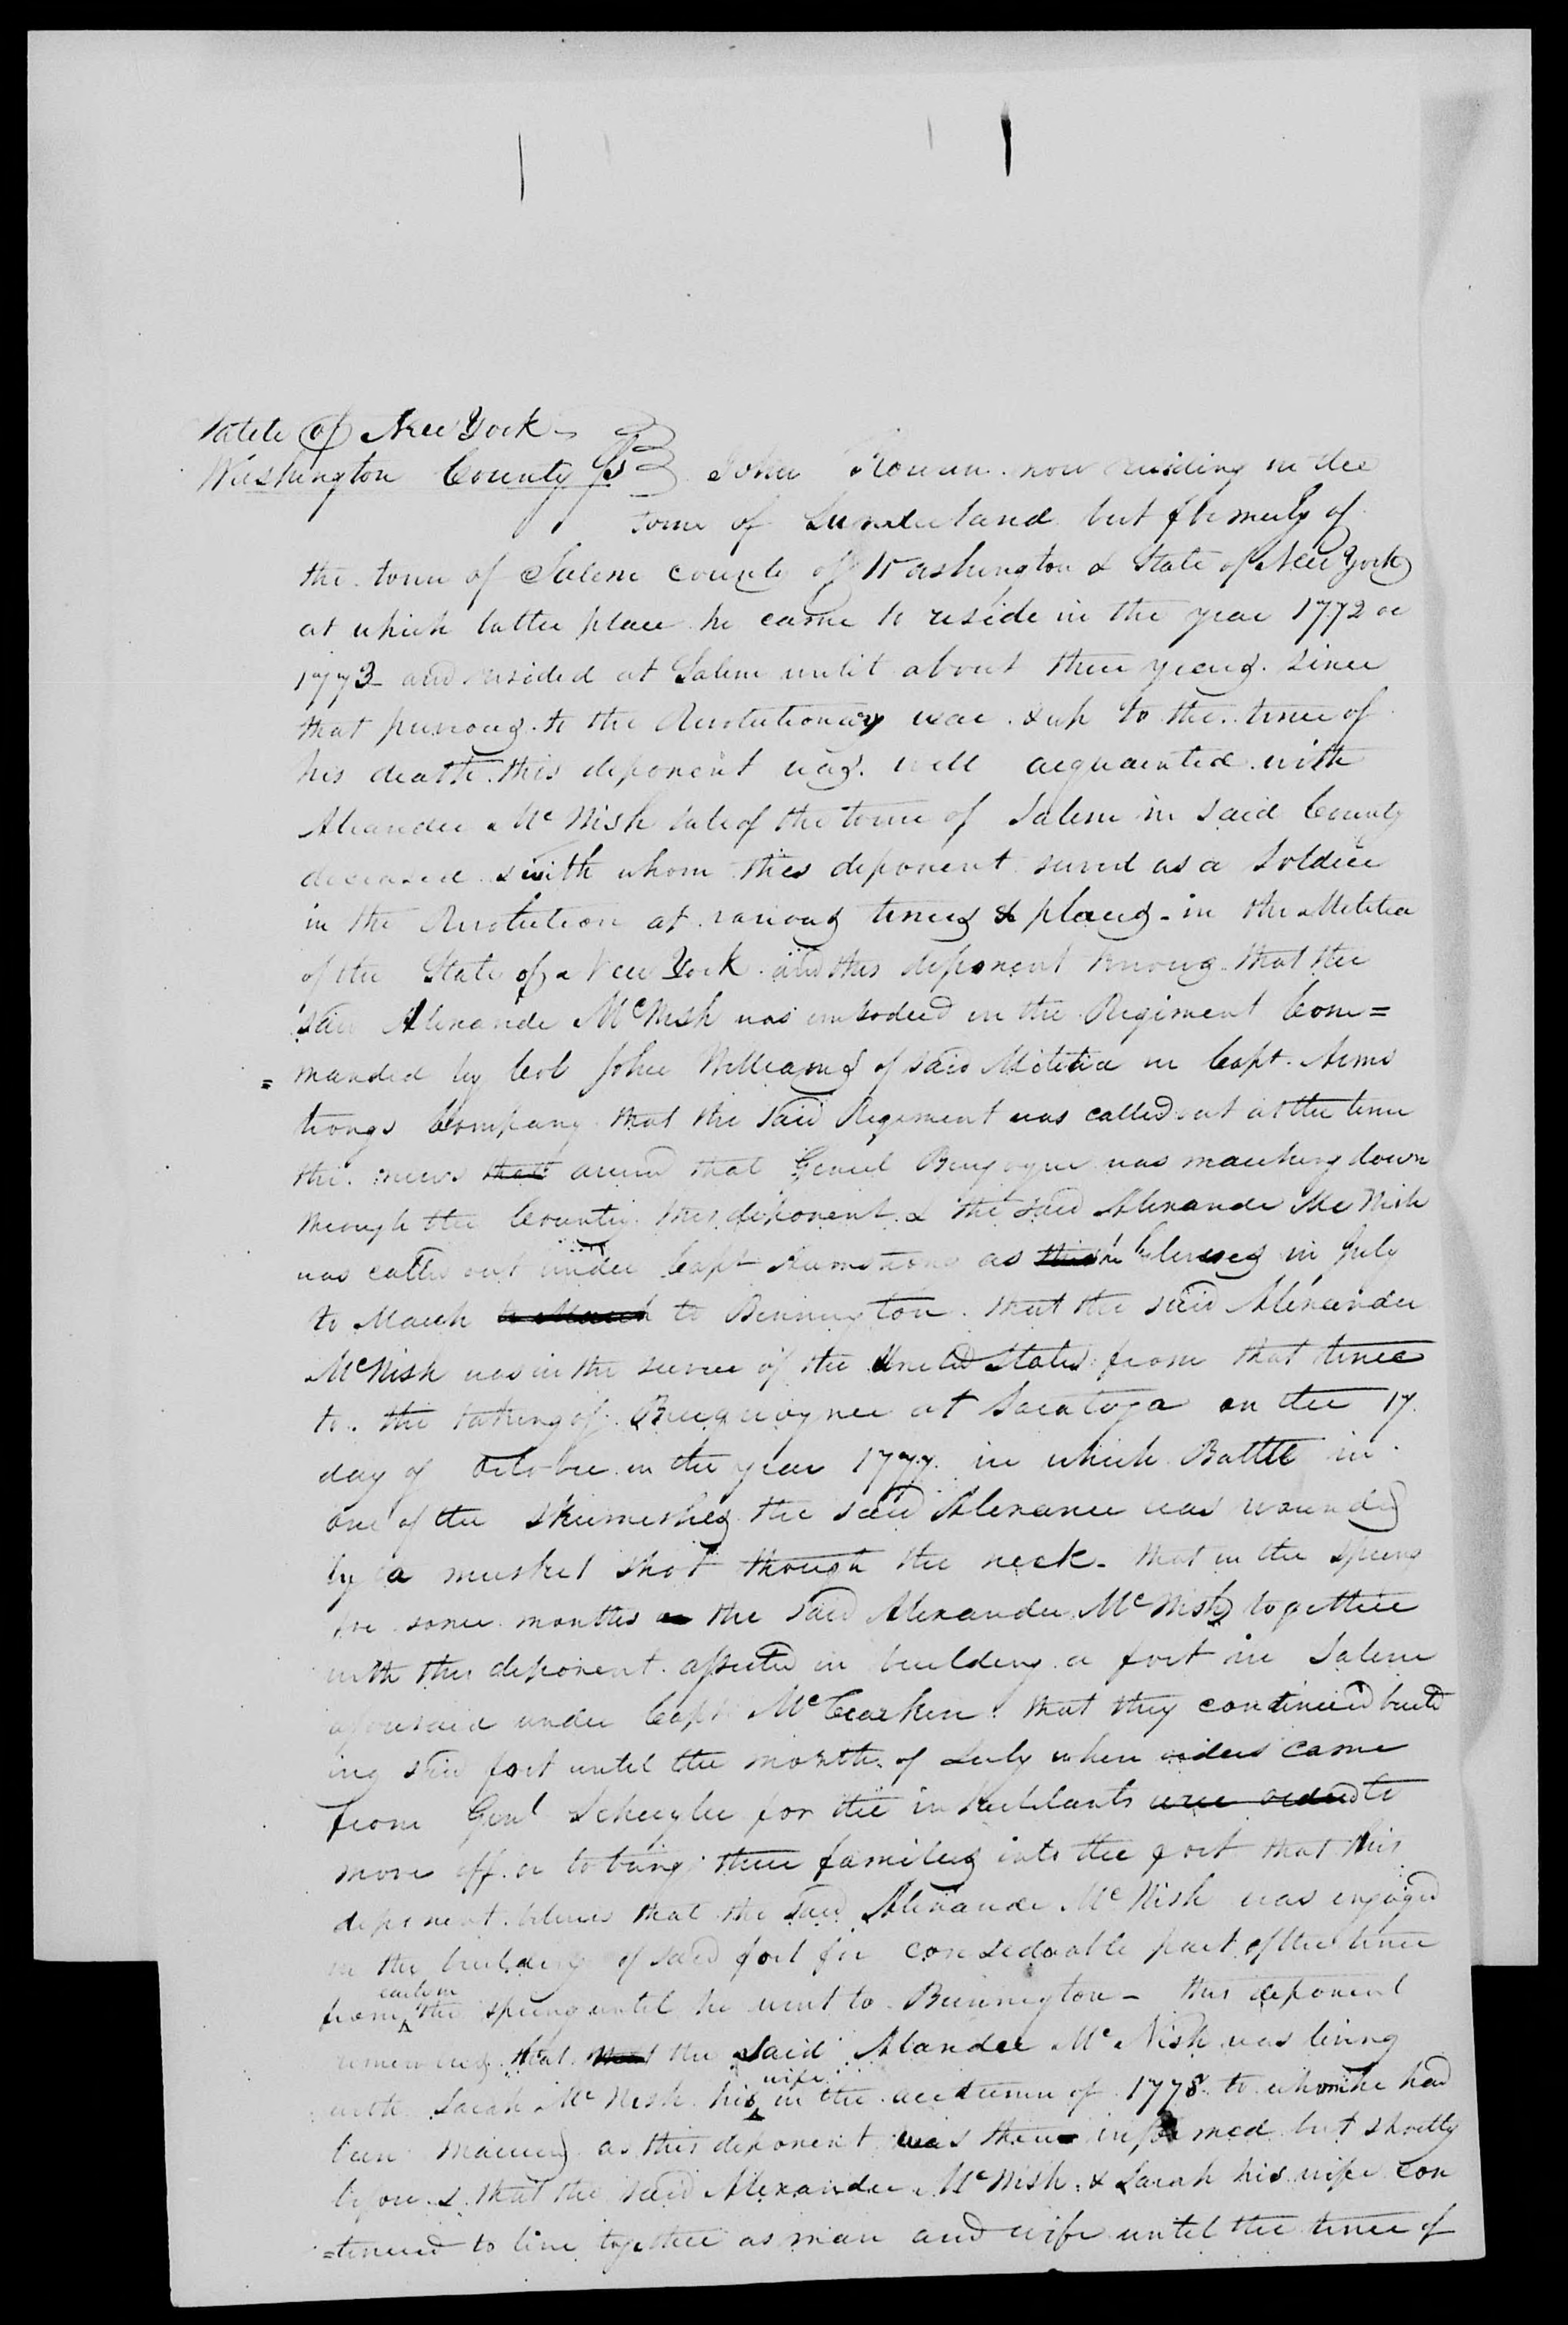State of New York
Washington County ss} John Rousau now residing in the town of Sunderland but formerly of the town of Salem county of Washington and State of New York at which latter place he came to reside in the year 1772 or 1773 and resided at Salem until about three years. Since that period to the Revolutionary war and up to the time of his death this deponent was well acquainted with Alexander McNish late of the town of Salem in said County deceased and with whom this deponent served as a soldier in the Revolution at various times and places in the militia of the State of New York. And this deponent knows that the said Alexander McNish was embodied in the Regiment commanded by Col. John Williams of said militia in Capt. Armstrong's company . That the said regiment was called out at the time the incur and that Genl. Burgoyne was marching down through the county. This deponent and the said Alexander McNish was called out under Capt. Armstrong as believed in July to march to Bennington. That the said Alexander McNish was in the service of the United States from that time to  the taking of Burgoyne at Saratoga on the 17 day of October in the year 1777 in which Battle in one of the skirmishes the said McNish was wounded by a musket shot through the neck. That in the spring in some months the said Alexander McNish together with this deponent assisted in building a fort in Salem aforesaid under Capt. McCracken and that they continued building said fort until the month of July where orders came from Genl. Schuyler for the inhabitants to move office to bring their families into the for that this deponent believes that the Alexander McNish was engaged in the building of said fort for considerable part of the time from early in the spring until he went to Bennington. This deponent remained. That the said Alexander McNish was living with Sarah McNish his wife in the autumn of 1778 to whom he had ben married as this deponent was then informed but shortly believed that the said Alexander McNish and Sarah his wife continued to live together as man and wife until the time of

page: 15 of 42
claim: widow's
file: W. 23,937 S. 28094, for Alexander Mc Nish, New York